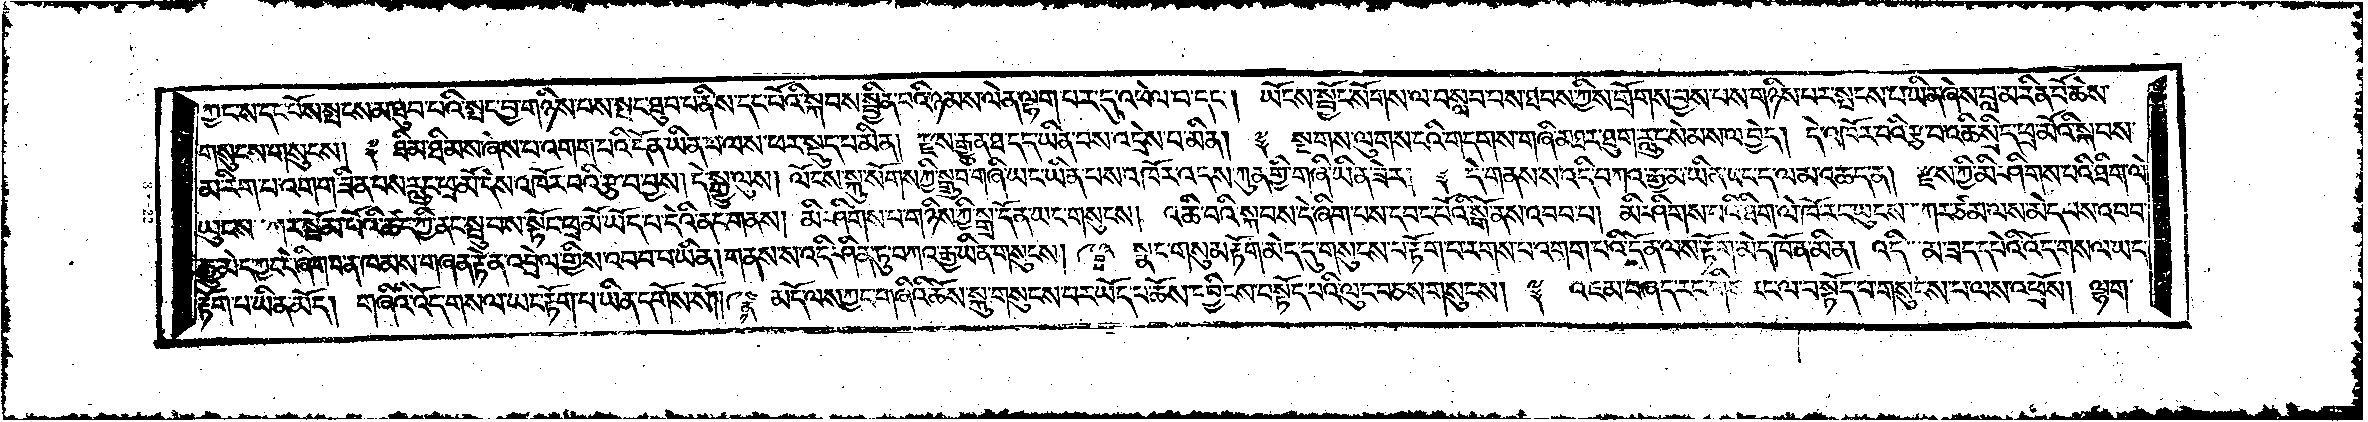ཀྱང་ས་དང་པོས་སྤངས་མ་ཐུབ་པའི་སྤང་བྱ་གཉིས་པས་སྤང་ཐུབ་པ་ནི་ས་དང་པོའི་སྐབས་སྦྱིན་པའི་ཉམས་ལེན་ལྷག་པར་དུ་འཕེལ་བ་དང་། ཡོངས་སྦྱོང་སོགས་ལ་བསླབ་པས་ཐབས་ཀྱིས་གྲོགས་བྱས་པས་གཉིས་པར་སྤངས་པ་ཡིན་ཞེས་བླ་མ་རིན་པོ་ཆེས་
གསུངས་གསུངས། ༈ ཐིམ་ཐིམས་ཞེས་པ་འགག་པའི་དོན་ཡིན་པ་ལས་ཕར་སྡུད་པ་མིན། རྫས་རྒྱུན་ཐ་དད་ཡིན་པས་འདྲེས་པ་མིན། ༈ སྔགས་ལུགས་ངའི་གདགས་གཞི་མཐར་ཐུག་རླུང་སེམས་ལ་བྱེད། དེ་འཁོར་བའི་རྩ་བ་འཆི་སྲིད་ཕྲ་མོའི་སྐབས་
མ་རིག་པ་འགག་ཟིན་པས་རླུང་ཕྲ་མོ་དེས་འཁོར་བའི་རྩ་བ་བྱས། དེ་སྒྱུ་ལུས། ལོངས་སྐུ་སོགས་ཀྱི་སྒྲུབ་གཞི་ཡང་ཡིན་པས་འཁོར་འདས་ཀུན་གྱི་གཞི་ཡིན་ཟེར། ༈ དེ་གནས་ས་འདི་བཀའ་རྒྱ་མ་ཡིན་ཡང་ད་ལམ་འཆད་ན། རྫས་ཀྱི་མི་ཤིགས་པའི་ཐིག་ལེ་
ཡུངས་ཀར་སྦོམ་པོའི་ཚད་ཀྱི་ནང་སྦུབས་སྟོང་ཕྲ་མོ་ཡོད་པ་དེའི་ནང་གནས། མི་ཤིགས་པ་གཉིས་ཀྱི་སྒྲ་དོན་ཡང་གསུངས། འཆི་བའི་སྐབས་དེ་ཞིག་པས་དབང་པོའི་སྒོ་ནས་འབབ་པ། མི་ཤིགས་པའི་ཐིག་ལེ་ཁོ་རང་ཡུངས་ཀར་ཙམ་ལས་མེད་པས་འབབ་
རྒྱུ་མེད་ཀྱང་དེ་ཞིག་བ་ན་ཁམས་གཞན་རྟེན་འབྲེལ་གྱིས་འབབ་པ་ཡིན། གནས་ས་འདི་ཤིན་ཏུ་བཀའ་རྒྱ་ཡིན་གསུངས། ༩༣བ༥་སྣང་གསུམ་རྟོག་མེད་དུ་གསུངས་པ་རྟོག་པ་རགས་པ་འགག་པའི་དོན་ལས་རྟོག་མེད་ཁོ་ན་མིན། འདི་མ་ཟད་དཔེའི་འོད་གསལ་ཡང་
རྟོག་པ་ཡིན་མོད། གཞིའི་འོད་གསལ་ཡང་རྟོག་པ་ཡིན་དགོས་སོ། །༩༤ན༡་མདོ་ལས་ཀྱང་གཞིའི་ཆོས་སྐུ་གསུངས་པར་ཡོད་པ་ཆོས་དབྱིངས་བསྟོད་པའི་ལུང་བཅས་གསུངས། ༈ འཇམ་བཞད་རང་གིས་རང་ལ་བསྟོད་པ་གསུངས་པ་ལས་འཕྲོས། ལྷག་